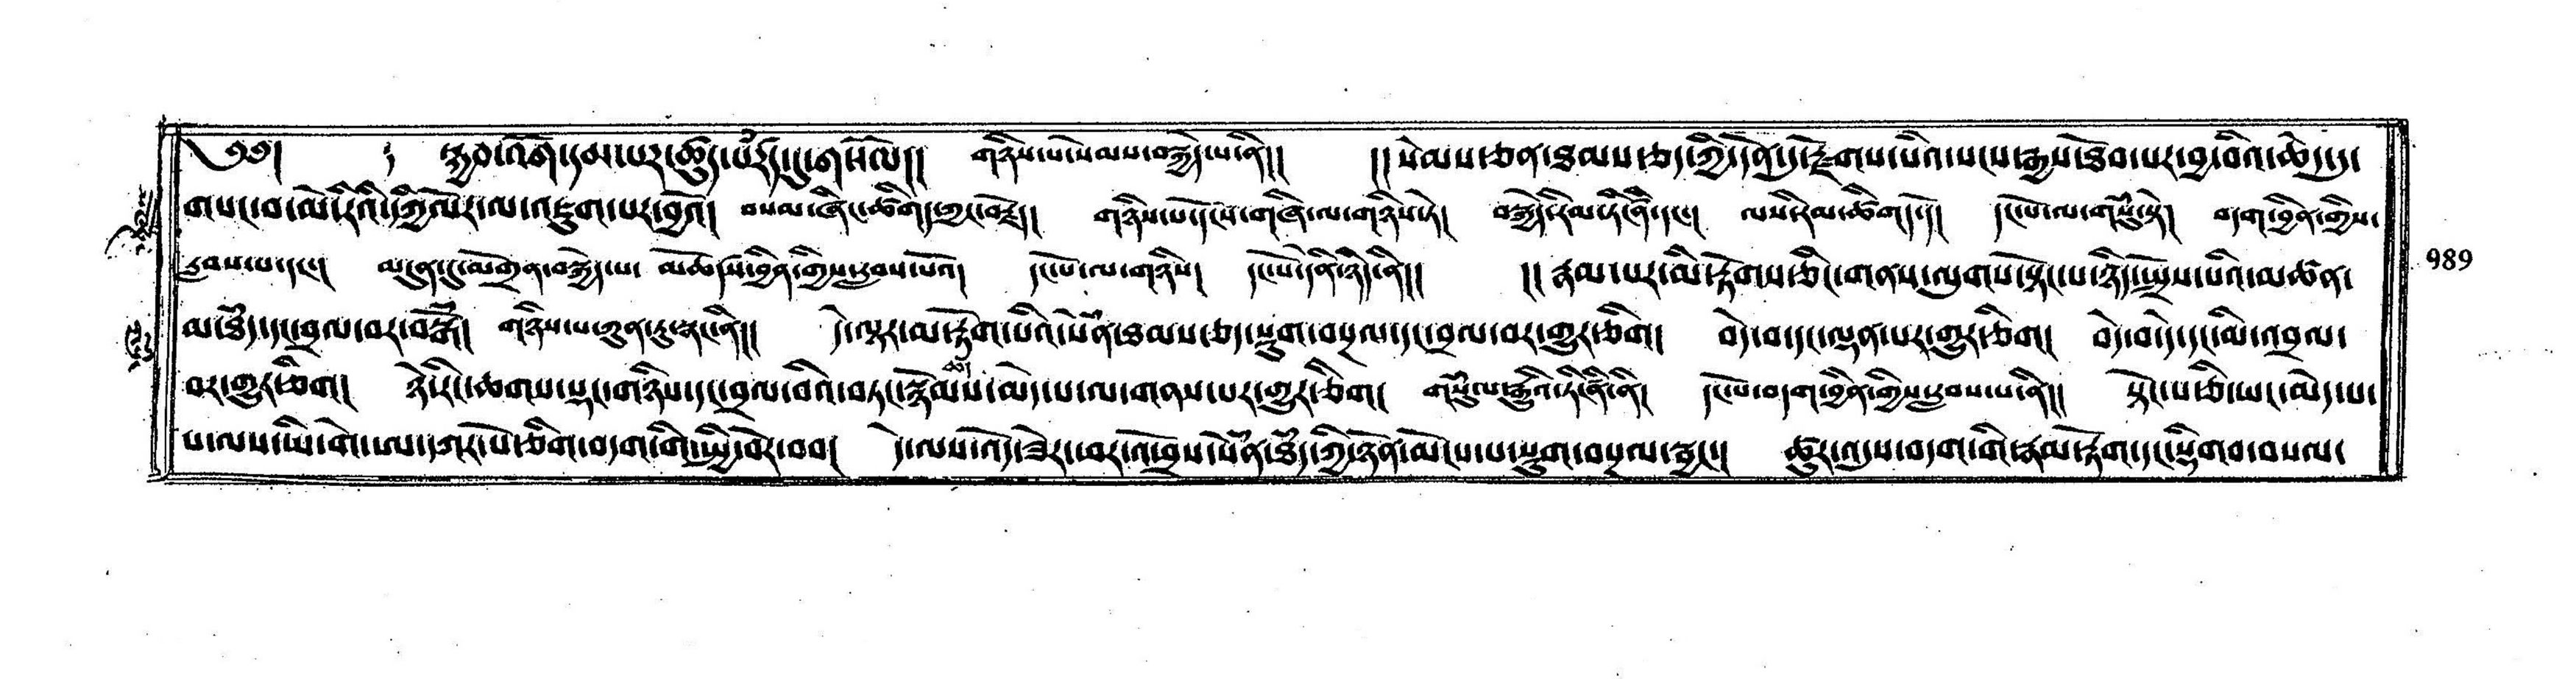སྐྱབ་འོག་དམ་པར་ཚུད་པར་མཛད་དུ་གསོལ།། གཉིས་པ་སེམས་བསྐྱེད་པ་ནི།། །།སེམས་ཅན་ཐམས་ཅད་ཀྱི་དོན་དུ་རྫོགས་པའི་སངས་རྒྱས་ཐོབ་པར་བྱ་བའི་ཆེད་དུ་
གསང་བ་མེ་རིའི་དཀྱིལ་འཁོར་ལ་འཇུག་པར་བྱའོ། བསམ་ཞིང་ཚིག་བཤད་ཀྱང་བརྗོད།། གཉིས་པ་དངོས་གཞི་ལ་གཉིས་ཏེ། བསྐྱེད་རིམ་ཏིང་འཛིན་དང་། ལས་རིམ་ཚིག་བཤད་དོ། དང་པོ་ལ་གསུམ་སྟེ། བདག་བྱིན་གྱིས་
བརླབ་པ་དང་། མདུན་དུ་མགྲོན་བསྐྱེད་པ་མཆོད་རྫས་བྱིན་གྱིས་བརླབ་པའོ། དང་པོ་ལ་གཉིས། དང་པོ་དེ་བཞིན་ཉིད་ནི།། །།རྣམ་པར་མི་རྟོག་ཅིང་གནས་ལུགས་སྟོང་པ་ཉིད་སྤྲོས་པའི་མཚན་
མ་ཐམས་ཅད་དང་བྲལ་བར་བསྒོམ། གཉིས་པ་ཀུན་ཏུ་སྣང་ནི།། དེ་ལྟར་མ་རྟོགས་པའི་སེམས་ཅན་ཐམས་ཅད་སྡུག་བསྔལ་དང་བྲལ་བར་གྱུར་ཅིག བདེ་བ་དང་ལྡན་པར་གྱུར་ཅིག བདེ་བ་དེ་དང་མི་འབྲལ་
བར་གྱུར་ཅིག ཉེ་རིང་ཆགས་སྡང་གཉིས་དང་བྲལ་བའི་བཏང་སྙོམས་མེད་པ་ལ་གནས་པར་གྱུར་ཅིག གསུམ་པ་རྒྱུའི་ཏིང་འཛིན་ནི། དང་པོ་བདག་བྱིན་གྱིས་བརླབ་པ་ནི།། སྟོང་པ་ཅི་ཡང་མེད་
པ་ལས་ཡི་གེ་ཨ་དཀར་པོ་ཅིག་བདག་གི་སྤྱི་བོར་བབ། དེ་ལས་འོད་ཟེར་ཕར་འཕྲོས་སེམས་ཅན་ཐམས་ཅད་ཀྱི་ཉོན་མོངས་པ་སྡུག་བསྔལ་སྦྱང་། ཚུར་འདུས་བདག་གི་རྣམ་རྟོག་དང་སྡིག་སྒྲིབ་བསལ་